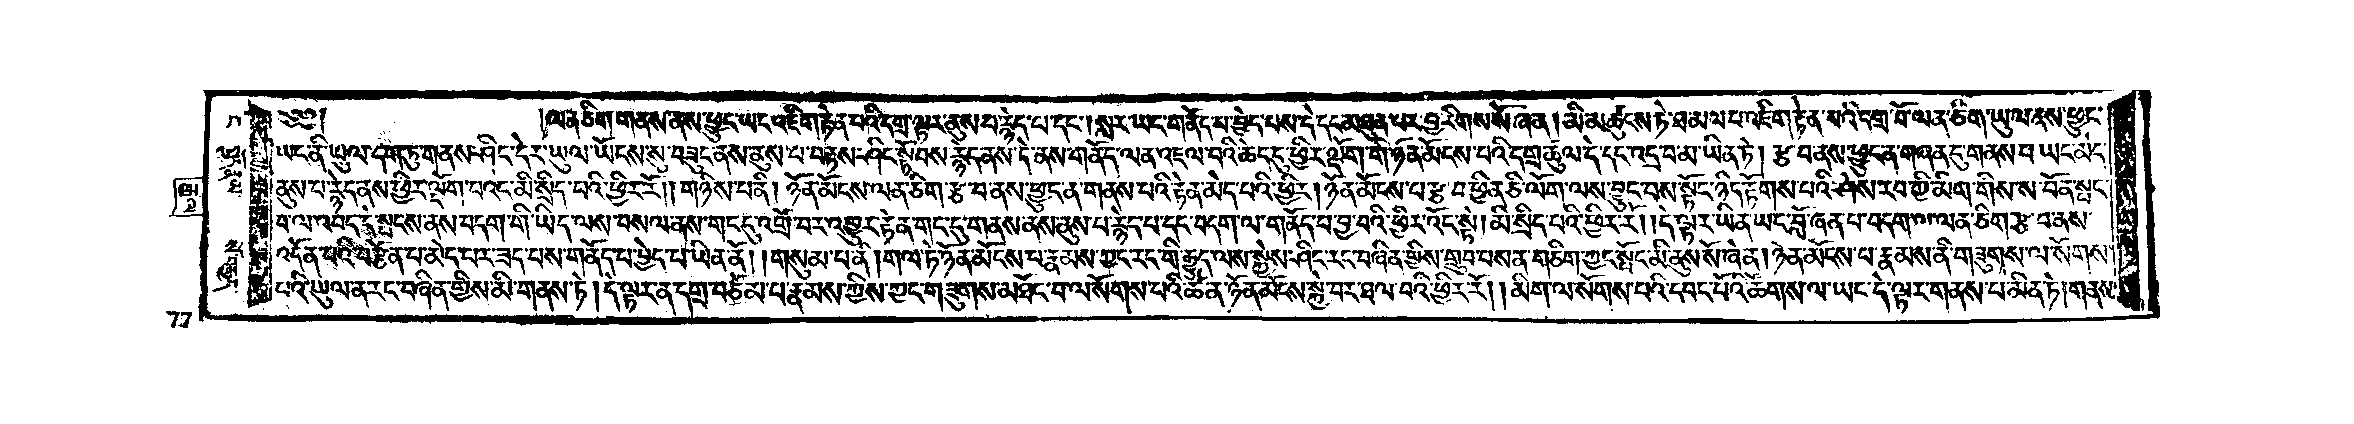༄༅། །ལན་ཅིག་གནས་ནས་ཕུང་ཡང་འཇིག་རྟེན་པའི་དགྲ་ལྟར་ནུས་པ་རྙེད་པ་དང་། སླར་ཡང་གནོད་པ་བྱེད་པས་དེ་དང་མཐུན་པར་བྱ་རིགས་སོ་ཞེ་ན། མི་མཚུངས་ཏེ་ཐ་མལ་པ་འཇིག་རྟེན་པའི་དགྲ་བོ་ལན་ཅིག་ཡུལ་ནས་ཕུང་
ཡང་ནི་ཡུལ་དག་ཏུ་གནས་ཤིང་དེར་ཡུལ་ཡོངས་སུ་བཟུང་ནས་ནུས་པ་བརྟས་ཤིང་སྟོབས་རྙེད་ནས་དེ་ནས་གནོད་ལན་འཇལ་བའི་ཆེད་དུ་ཕྱིར་ལྡོག་གི་ཉོན་མོངས་པའི་དགྲ་ཚུལ་དེ་དང་འདྲ་བ་མ་ཡིན་ཏེ། རྩ་བ་ནས་ཕུང་ན་གཞན་དུ་གནས་པ་ཡང་མེད་
ནུས་པ་རྙེད་ནས་ཕྱིར་ལྡོག་པའང་མི་སྲིད་པའི་ཕྱིར་རོ། །གཉིས་པ་ནི། ཉོན་མོངས་ལན་ཅིག་རྩ་བ་ནས་ཕུང་ན་གནས་པའི་རྟེན་མེད་པའི་ཕྱིར། ཉོན་མོང་པ་རྩ་བ་ཕྱིན་ཅི་ལོག་ལས་བྱུང་བས་སྟོང་ཉིད་རྟོགས་པའི་ཤེས་རབ་ཀྱི་མིག་གིས་ས་བོན་སྤང་
བ་ལ་འབད་དེ་སྤངས་ནས་བདག་གི་ཡིད་ལས་བསལ་ནས་གང་དུ་འགྲོ་བར་འགྱུར་རྟེན་གང་དུ་གནས་ནས་ནུས་པ་རྙེད་པ་དང་བདག་ལ་གནོད་པ་བྱ་བའི་ཕྱིར་འོང་སྟེ། མི་སྲིད་པའི་ཕྱིར་རོ། །དེ་ལྟར་ཡིན་ཡང་བློ་ཞན་པ་བདག་ལ་ལན་ཅིག་རྩ་བ་ནས་
འདོན་པའི་བརྩོན་པ་མེད་པར་ཟད་པས་གནོད་པ་བྱེད་པ་ཡིན་ནོ། །གསུམ་པ་ནི། གལ་ཏེ་ཉོན་མོངས་པ་རྣམས་ཀྱང་རང་གི་རྒྱུད་ལས་སྐྱེས་ཤིང་རང་བཞིན་གྱིས་གྲུབ་པས་ན་གཅིག་ཀྱང་སྤོང་མི་ནུས་སོ་ཞེ་ན། ཉོན་མོངས་པ་རྣམས་ནི་གཟུགས་ལ་སོགས་
པའི་ཡུལ་ན་རང་བཞིན་གྱིས་མི་གནས་ཏེ། དེ་ལྟར་ན་དགྲ་བཅོམ་པ་རྣམས་ཀྱིས་ཀྱང་གཟུགས་མཐོང་བ་ལ་སོགས་པའི་ཚེ་ན་ཉོན་མོངས་སྐྱེ་བར་ཐལ་པའི་ཕྱིར་རོ། །མིག་ལ་སོགས་པའི་དབང་པོའི་ཚོགས་ལ་ཡང་དེ་ལྟར་གནས་པ་མི་ཏེ། གནས་